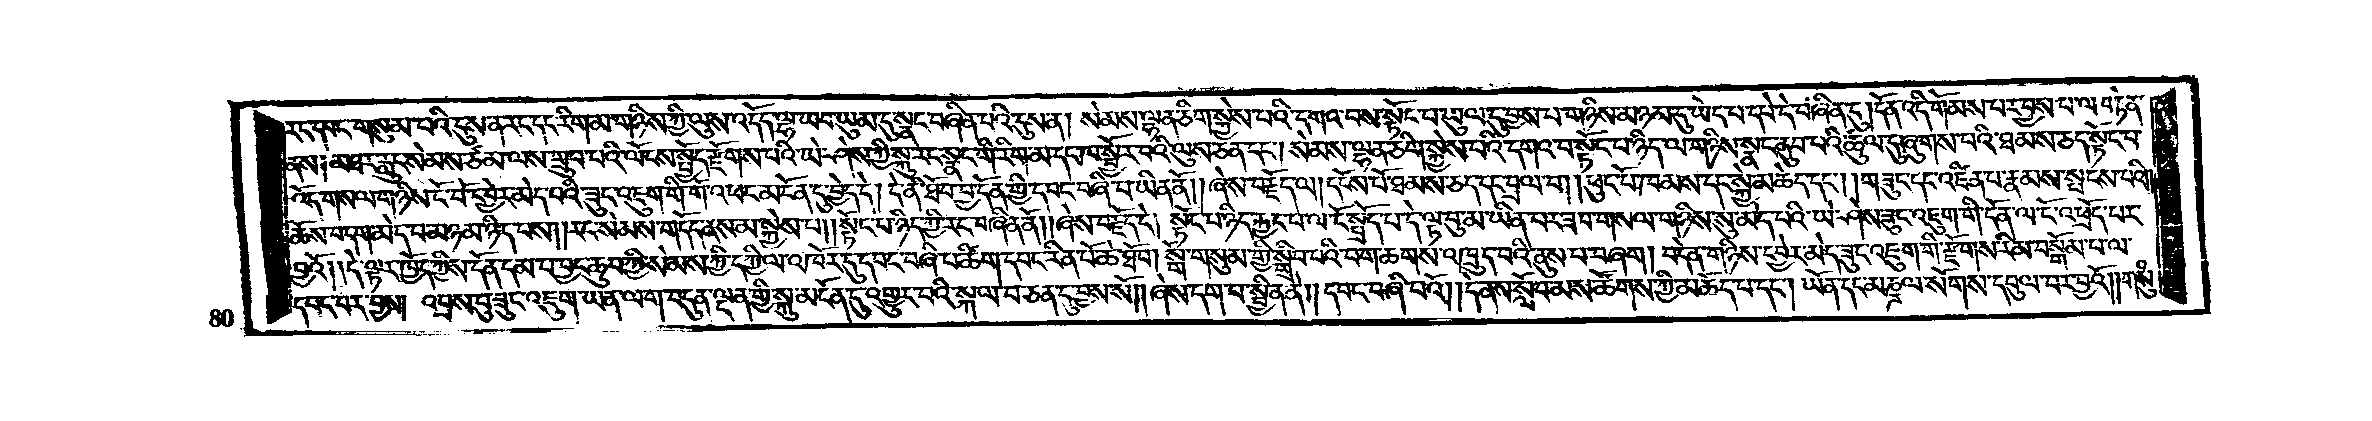རང་དབང་གསུམ་པའི་དུས་ན་རང་དང་རིག་མ་གཉིས་ཀྱི་ལུས་འདོད་ལྷ་ཡབ་ཡུམ་དུ་སྣང་བཞིན་པའི་དུས་ན། སེམས་ལྷན་ཅིག་སྐྱེས་པའི་དགའ་བས་སྟོང་བ་ཡུལ་དུ་བྱས་པ་གཉིས་མཉམ་དུ་ཡོད་པ་དཔེ་དེ་བཞིན་དུ། དོན་འདི་གོམས་པར་བྱས་པ་ལ་བརྟེན་
ནས། མཐར་རླུང་སེམས་ཙམ་ལས་གྲུབ་པའི་ལོངས་སྤྱོད་རྫོགས་པའི་ཡེ་ཤེས་ཀྱི་སྐུ་རང་སྣང་གི་རིག་མ་དང་ཁ་སྦྱོར་བའི་ལུས་ཅན་དང་། སེམས་ལྷན་ཅིག་སྐྱེས་པའི་དགའ་བ་སྟོང་པ་ཉིད་ལ་གཉིས་སྣང་ནུབ་པའི་ཚུལ་དུ་ཞུགས་པའི་ཐམས་ཅད་སྟོང་པ་འོད་གསལ་གཉིས་ངོ་བོ་དབྱེར་མེད་པའི་ཟུང་འཇུག་གི་གོ་འཕང་མངོན་དུ་བྱེད་དེ། དེ་ནི་ཐོབ་བྱ་དོན་གྱི་དབང་བཞི་པ་ཡིན་ནོ། །ཞེས་བརྗོད་ལ། །དངོས་པོ་ཐམས་ཅད་དང་བྲལ་བ་།ཕུང་པོ་ཁམས་དང་སྐྱེ་མཆེད་དང་། །གཟུང་དང་འཛིན་པ་རྣམས་སྤངས་པའི་
ཆོས་བདག་མེད་པ་མཉམ་ཉིད་པས། །རང་སེམས་གདོད་ནས་མ་སྐྱེས་པ། །སྟོང་པ་ཉིད་ཀྱི་རང་བཞིན་ནོ། །ཞེས་བརྗོད་དེ། སྟོང་པ་ཉིད་རྐྱང་པ་ལ་ངོ་སྤྲོད་པ་དེ་ལྟ་བུ་མ་ཡིན་པར་ཟབ་གསལ་གཉིས་སུ་མེད་པའི་ཡེ་ཤེས་ཟུང་འཇུག་གི་དོན་ལ་ངོ་འཕྲོད་པར་
བྱའོ། །དེ་ལྟར་ཁྱོད་ཀྱིས་དོན་དམ་པ་བྱང་ཆུབ་ཀྱི་སེམས་ཀྱི་དཀྱིལ་འཁོར་དུ་དབང་བཞི་པ་ཚིག་དབང་རིན་པོ་ཆེ་ཐོབ། སྒོ་གསུམ་གྱི་སྒྲིབ་པའི་བག་ཆགས་འཁྲུད་པའི་ནུས་པ་བཞག །བདེན་གཉིས་དབྱེར་མེད་ཟུང་འཇུག་གི་རྫོགས་རིམ་བསྒོམ་པ་ལ་
དབང་བར་བྱས། འབྲས་བུ་ཟུང་འཇུག་ཡན་ལག་བདུན་ལྡན་གྱི་སྐུ་མངོན་དུ་འགྱུར་བའི་སྐལ་བ་ཅན་དུ་བྱས་སོ། །ཞེས་དག་པ་སྦྱིན་ནོ། །དབང་བཞི་པའོ། །དེ་ནས་སློབ་མས་ཚོགས་ཀྱི་མཆོད་པ་དང་། ཡོན་དང་མཎཌལ་སོགས་དབུལ་བར་བྱའོ། །གསུམ་